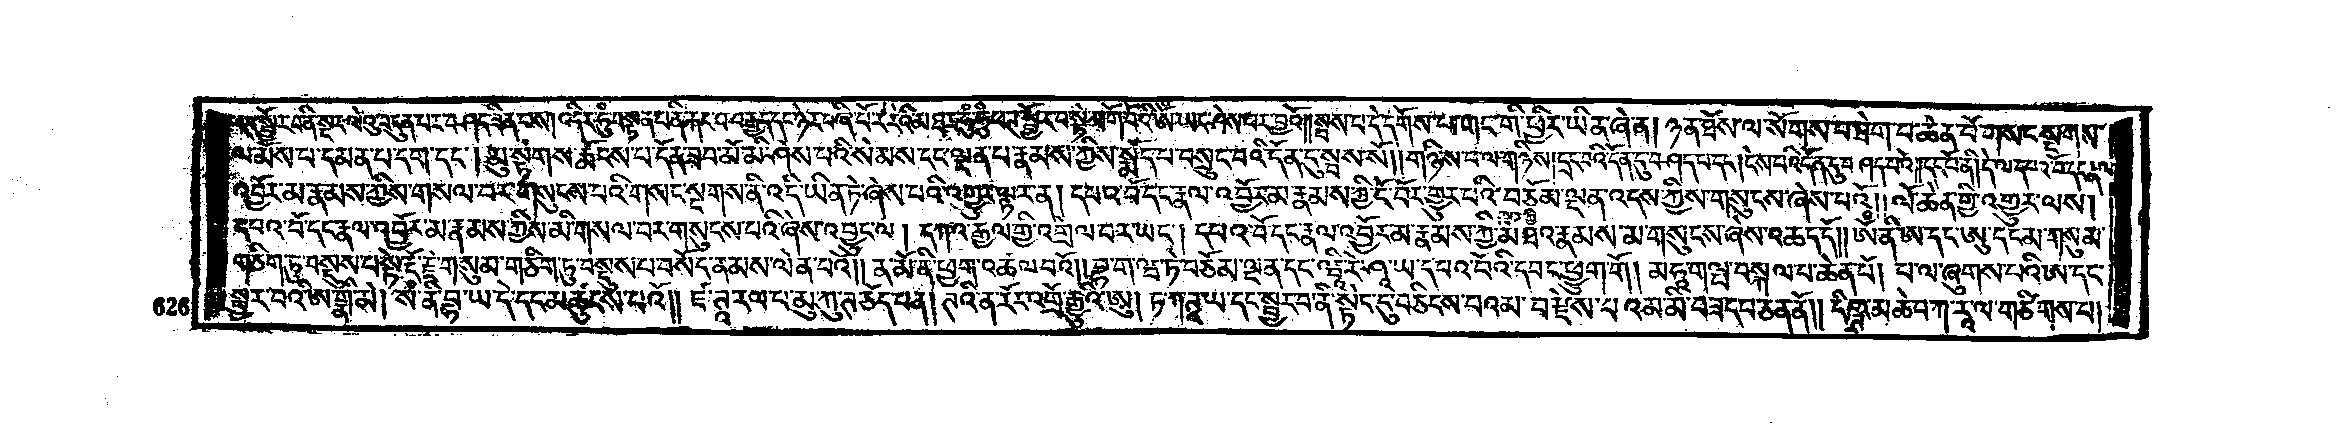ཕཊ་སྦྱོར་བ་ནི་སྔར་ལེའུ་བདུན་པར་བཤད་ཟིན་པས། འདིར་ཧུཾ་བསྟན་པ་ནི་རྐང་པ་བརྒྱད་དང་ཉེར་བཞི་པོ་རེ་རེའི་མཐར་ཧུཾ་ཧུཾ་ཕཊ་སྦྱོར་བ་སྟེ་མགོ་བོའི་ཨོཾ་ཡང་ཤེས་པར་བྱའོ། །སྦས་པ་དེ་དགོས་པ་གང་གི་ཕྱིར་ཡིན་ཞེ་ན། ཉན་ཐོས་ལ་སོགས་པ་ཐེག་པ་ཆེན་པོ་གསང་སྔགས་
ལ་མོས་པ་དམན་པ་དག་དང་། མུ་སྟེགས་རྨོངས་པ་དོན་ཟབ་མོ་མི་ཤེས་པའི་སེམས་དང་ལྡན་པ་རྣམས་ཀྱིས་སྨོད་པ་བསྲུང་བའི་དོན་དུ་སྦས་སོ། །གཉིས་པ་ལ་གཉིས། དྲང་བའི་དོན་དུ་བཤད་པ་དང་། ངེས་པའི་དོན་དུ་བཤད་པའོ། །དང་པོ་ནི། དེ་ལ་དཔའ་བོ་དང་རྣལ་
འབྱོར་མ་རྣམས་ཀྱིས་གསལ་བར་གསུངས་པའི་གསང་སྔགས་ནི་འདི་ཡིན་ཏེ་ཞེས་པའི་འགྱུར་ལྟར་ན། དཔའ་བོ་དང་རྣལ་འབྱོར་མ་རྣམས་ཀྱི་ངོ་བོར་གྱུར་པའི་བཅོམ་ལྡན་འདས་ཀྱིས་གསུངས་ཞེས་པའོ། །ལོ་ཆེན་གྱི་འགྱུར་ལས།
དཔའ་བོ་དང་རྣལ་འབྱོར་མ་རྣམས་ཀྱིས་མི་གསལ་བར་གསུངས་པའི་ཞེས་འབྱུང་ལ། དཀའ་རྒྱལ་གྱི་འགྲེལ་པར་ཡང་། དཔའ་བོ་དང་རྣལ་འབྱོར་མ་རྣམས་ཀྱི་སྔགས་ཀྱི་མཐའ་རྣམས་མ་གསུངས་ཞེས་འཆད་དོ། །ཨོཾ་ནི་ཨ་དང་ཨུ་དང་མ་གསུམ་
གཅིག་ཏུ་བསྡུས་པ་སྟེ་རྡོ་རྗེ་གསུམ་གཅིག་ཏུ་བསྡུས་པ་བསོད་ནམས་ལེན་པའོ། །ན་མོ་ནི་ཕྱག་འཚལ་བའོ། །བྷ་ག་ཝ་ཏེ་བཅོམ་ལྡན་དང་ཝཱི་རེ་ཤཱ་ཡ་དཔའ་བོའི་དབང་ཕྱུག་གོ །མ་ཧཱ་གལྤ་བསྐལ་པ་ཆེན་པོ། པ་ལ་ཞུགས་པའི་ཨ་དང་
སྦྱར་བའི་ཨ་གནི་མེ། སི་ནི་བྷ་ཡ་དེ་དང་མཚུངས་པའོ། །ཛ་ཊཱ་རལ་པ་མུ་ཀུ་ཊ་ཅོད་པན། ཊའི་ན་རོར་འགྲོ་རྒྱུའི་ཨུ། ཏ་ཀ་ཊཱ་ཡ་དང་སྦྱར་བ་ནི་སྟེང་དུ་བཅིངས་པའམ་བརྫེས་པའམ་མི་བཟང་པ་ཅན་ནོ། །དིཥྚྲ་མཆེ་བ་ཀ་རཱ་ལ་གཙིགས་པ།